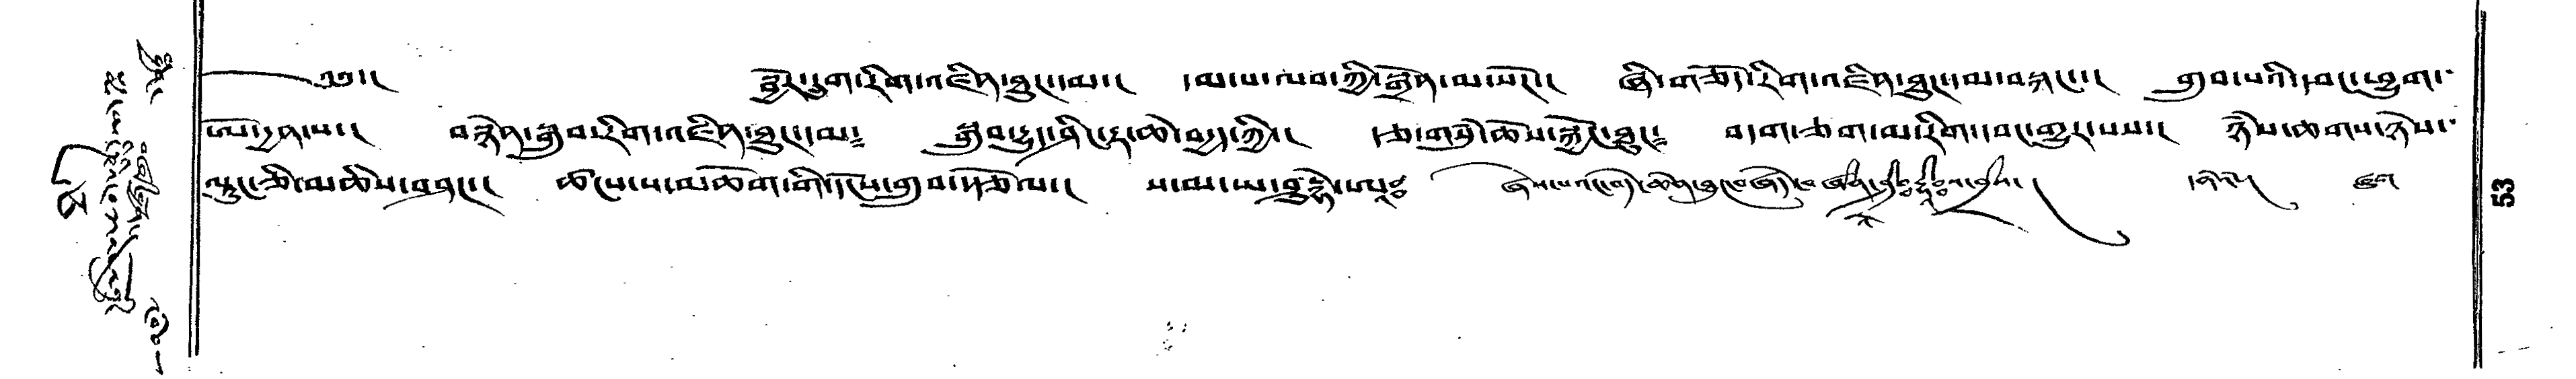།སྦྱོར་དྲུག་རིག་འཛིན་ཐུགས་དམ༴ དམ་པ་ལབ་ཀྱི་སྒྲོན་མ་སོགས། །ཞི་གཅོད་རིག་འཛིན་ཐུགས་དམ་བསྐང་། །གྲུབ་པའི་དབང་ཕྱུག་
ཨོ་རྒྱན་པ། །བསྙེན་སྒྲུབ་རིག་འཛིན་ཐུགས་དམ༴སྒྲུབ་རྒྱུད་ཤིང་རྟ་ཆེ་བརྒྱད་ཀྱི། །རྩ་གསུམ་ཆོས་སྐྱོང་ཐུགས༴ བདག་ཅག་མ་རིག་དབང་གྱུར་པས། །ཉམས་ཆག་ཉེས་
ལྟུང་ཅི་མཆིས་བཤགས། །ཚངས་པ་མཆོག་གི་དངོས་གྲུབ་སྩོལ། ས་མ་ཡ་ཤུདྡྷེ་ཨཱཿ ཞེས་པའང་བདེ་ཆེན་ཐུགས་བཞེད་བཞིན་ཤྲཱི་དྷཱིཿཔས་བྲིས་པ་དགེའོ།།